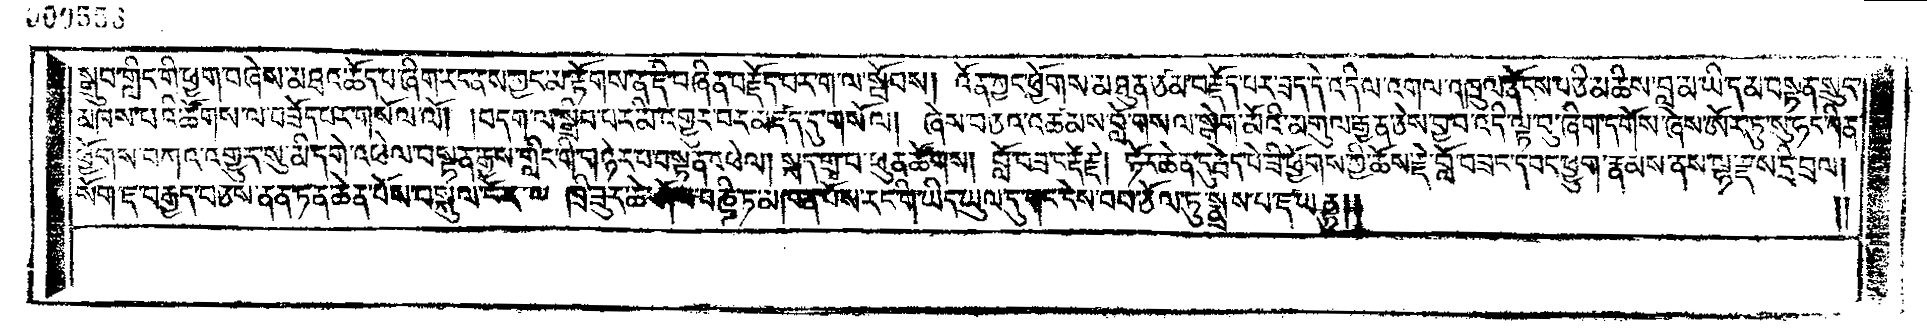སྒྲུབ་གླིང་གི་ཕྱག་བཞེས་མཐའ་ཆོད་པ་ཞིག་རང་ནས་ཀྱང་མ་རྟོགས་ན་ཇི་བཞིན་བརྗོད་བར་ག་ལ་སྦོབས། འོན་ཀྱང་ཕྱོགས་མཐུན་ཙམ་བརྗོད་པར་ཟད་དེ་འདི་ལ་འགལ་འཁྲུལ་ནོངས་པ་ཅི་མཆིས་བླ་མ་ཡི་དམ་བསྟན་སྲུང་
མཁས་པའི་ཚོགས་ལ་བཟོད་པར་གསོལ་ལོ། །བདག་ལ་སྒྲིབ་པར་མི་འགྱུར་བར་མཛད་དུ་གསོལ། ཞེས་བཅའ་འཚམས་བློ་གསལ་སྒེག་མོའི་མགུལ་རྒྱན་ཅེས་བྱ་བ་འདི་ལྟ་བུ་ཞིག་དགོས་ཞེས་ཨོར་ཏུ་སུ་ཧང་ཀིན་
ཕྱོགས་བཀའ་འགྱུར་སུ་མི་དགེ་འཕེལ་བསྟན་རྒྱས་གླིང་གི་གཉེར་པ་བསྟན་འཕེལ། སྐད་གྲྭ་བ་ཕུན་ཚོགས། བློ་བཟང་རྡོ་རྗེ། ཧོར་ཆེན་དུ་རྦེད་པེ་ཟི་ཕྱོགས་ཀྱི་ཆོས་རྗེ་བློ་བཟང་དབང་ཕྱུག་རྣམས་ནས་ལྷ་རྫས་དྲི་བྲལ།
སོག་ཇ་བརྒྱད་བཅས་ནན་ཏན་ཆེན་པོས་བསྐུལ་ངོར ༧་ཁྲི་ཟུར་ཆེ་ཤོས་པཎྜི་ཏ་མཁན་པོས་རང་གི་ཡིད་ཡུལ་དུ་གང་ངེས་བབ་ཅོལ་ཏུ་སྨྲས་པ་ཛ་ཡནྟུ།། །།